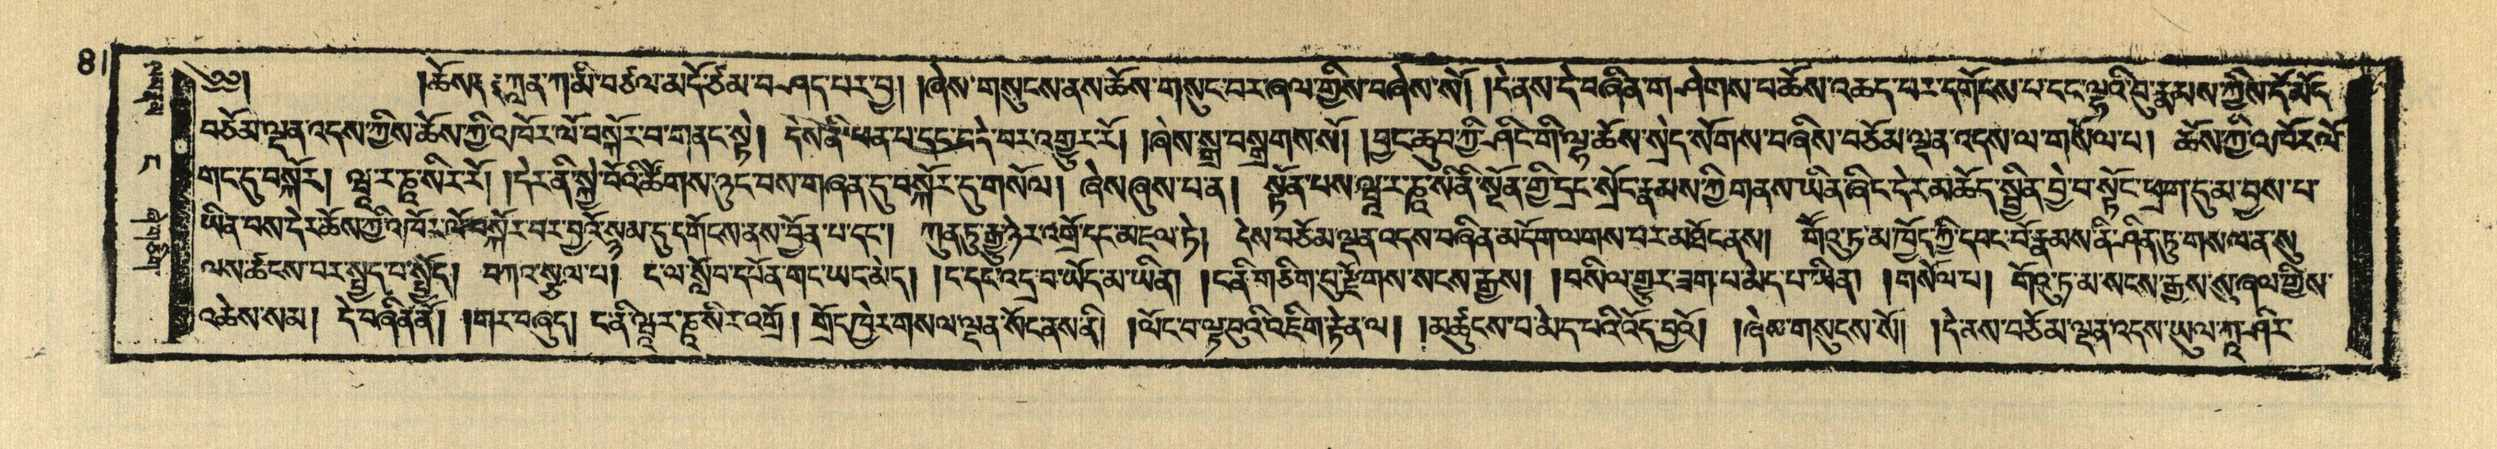༄༅། །ཆོས༑ ༑ཀླན་ཀ་མི་བཙལ་མདོ་ཙམ་བཤད་པར་བྱ། །ཞེས་གསུངས་ནས་ཆོས་གསུང་བར་ཞལ་གྱིས་བཞེས་སོ། །དེ་ནས་དེ་བཞིན་གཤེགས་པ་ཆོས་འཆད་པར་དགོངས་པ་དང་ལྷའི་བུ་རྣམས་ཀྱིས་དོ་མོད་
བཅོམ་ལྡན་འདས་ཀྱིས་ཆོས་ཀྱི་འཁོར་ལོ་བསྐོར་བ་གནང་སྟེ། དེས་ནི་ཕན་པ་དང་བདེ་བར་འགྱུར་རོ། །ཞེས་སྒྲ་བསྒྲགས་སོ། །བྱང་ཆུབ་ཀྱི་ཤིང་གི་ལྷ་ཆོས་སྲེད་སོགས་བཞིས་བཅོམ་ལྡན་འདས་ལ་གསོལ་པ། ཆོས་ཀྱི་འཁོར་ལོ་
གང་དུ་བསྐོར། ཝཱ་ར་ཎཱ་སིར་རོ། །དེར་ནི་སྐྱེ་བོའི་ཚོགས་ཉུང་བས་གཞན་དུ་བསྐོར་དུ་གསོལ། ཞེས་ཞུས་པ་ན། སྟོན་པས་ཝཱ་ར་ཎཱ་སི་ནི་སྔོན་གྱི་དྲང་སྲོང་རྣམས་ཀྱི་གནས་ཡིན་ཞིང་དེར་མཆོད་སྦྱིན་བྱེ་བ་སྟོང་ཕྲག་དུ་མ་བྱས་པ་
ཡིན་བས་དེར་ཆོས་ཀྱི་འཁོར་ལོ་བསྐོར་བར་བྱའོ་སྙམ་དུ་དགོངས་ནས་བྱོན་པ་དང་། ཀུན་ཏུ་རྒྱུ་ཉེར་འགྲོ་དང་མཇལ་ཏེ། དེས་བཅོམ་ལྡན་འདས་བཞིན་མདོག་ལགས་པར་མཐོང་ནས། གཽའུ་ཏ་མ་ཁྱོད་ཀྱི་དབང་བོ་རྣམས་ནི་ཤིན་ཏུ་གསལ་ན་སུ་
ལས་ཚངས་པར་སྤྱད་བ་སྤྱོད། བཀའ་སྩལ་པ། ང་ལ་སློབ་དཔོན་གང་ཡང་མེད། །ང་དང་འདྲ་བ་ཡོད་མ་ཡིན། །ང་ནི་གཅིག་བུ་རྫོགས་སངས་རྒྱས། །བསིལ་གྱུར་ཟག་པ་མེད་པ་ཡིན། །གསོལ་པ། གོའུ་ཏ་མ་སངས་རྒྱས་སུ་ཞལ་གྱིས་
འཆེས་སམ། དེ་བཞིན་ནོ། །གར་བཞུད། ང་ནི་ཝཱ་ར་ཎཱ་སིར་འགྲོ། གྲོང་ཁྱེར་གསལ་ལྡན་སོང་ནས་ནི། །ལོང་བ་ལྟ་བུའི་འཇིག་རྟེན་ལ། །མཚུངས་བ་མེད་པའི་འོད་བྱའོ། །ཞེས་གསུངས་སོ། །དེ་ནས་བཅོམ་ལྡན་འདས་ཡུལ་ཀཱ་ཤིར་